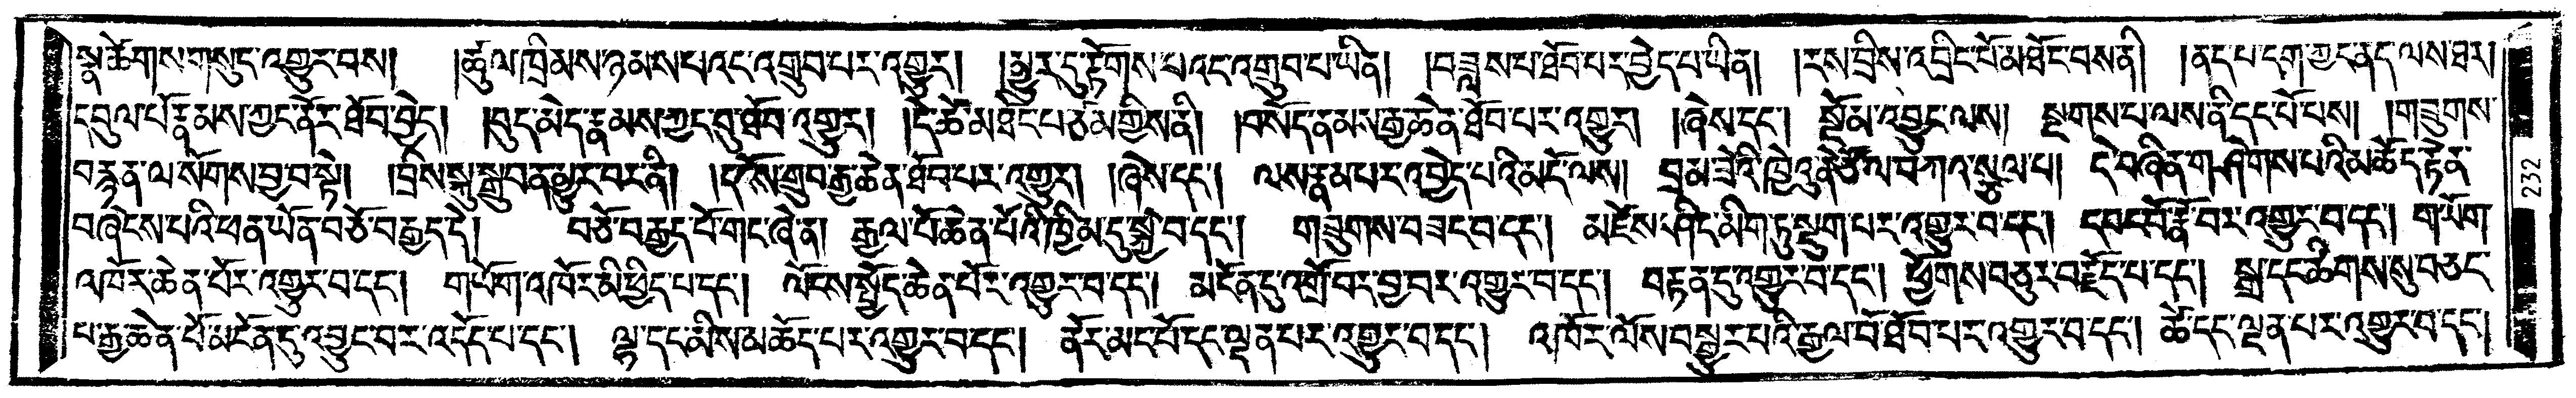སྣ་ཚེགས་གསུང་འགྱུར་བས། །ཚུལ་ཁྲིམས་ཉམས་པའང་འགྲུབ་པར་འགྱུར། །མྱུར་དུ་རྟོགས་པའང་འགྲུབ་པ་ཡིན། །བཟླས་པ་ཐོབ་པར་བྱེད་པ་ཡིན། །རས་བྲིས་འབྲིང་པོ་མཐོང་བས་ནི། །ནད་པ་དག་ཀྱང་ནད་ལས་ཐར།
དབུལ་པོ་རྣམས་ཀྱང་ནོར་ཐོབ་བྱེད། །བུད་མེད་རྣམས་ཀྱང་བུ་ཐོབ་འགྱུར། །དེ་ཚེ་མཐོང་པ་ཙམ་གྱིས་ནི། །བསོད་ནམས་རྒྱ་ཆེན་ཐོབ་པར་འགྱུར། །ཞེས་དང་། སྡོམ་འབྱུང་ལས། སྔགས་པ་ལས་ནི་དང་པོ་པས། །གཟུགས་
བརྙན་ལ་སོགས་བྱ་བ་སྟེ། །བྲིས་སྐུ་སྒྲུབ་ན་མྱུར་བར་ནི། །དངོས་གྲུབ་རྒྱ་ཆེན་ཐོབ་པར་འགྱུར། །ཞེས་དང་། ལས་རྣམ་པར་འབྱེད་པའི་མདོ་ལས། བྲམ་ཟེའི་ཁྱེའུ་ནེ་ཙོ་ལ་བཀའ་སྩལ་པ། དེ་བཞིན་གཤེགས་པའི་མཆོད་རྟེན་
བཞེངས་པའི་ཕན་ཡོན་བཅོ་བརྒྱད་དེ། བཅོ་བརྒྱད་པོ་གང་ཞེ་ན། རྒྱལ་པོ་ཆེན་པོའི་ཁྱིམ་དུ་སྐྱེ་བ་དང་། གཟུགས་བཟང་བ་དང་། མཛེས་ཤིང་མིག་ཏུ་སྡུག་པར་འགྱུར་བ་དང་། དབང་པོ་རྣོ་བར་འགྱུར་བ་དང་། གཡོག་
འཁོར་ཆེན་པོར་འགྱུར་བ་དང་། གཡོག་འཁོར་མི་ཕྱིད་པ་དང་། ལོངས་སྤྱོད་ཆེན་པོར་འགྱུར་བ་དང་། མངོན་དུ་འགྲོ་བར་བྱ་བར་འགྱུར་བ་དང་། བརྟན་དུ་འགྱུར་བ་དང་། ཕྱོགས་བཅུར་བརྗོད་པ་དང་། སྒྲ་དང་ཚིགས་སུ་བཅད་
པ་རྒྱ་ཆེན་པོ་མངོན་དུ་འབྱུང་བར་འདོད་པ་དང་། ལྷ་དང་མིས་མཆོད་པར་འགྱུར་བ་དང་། ནོར་མང་པོ་དང་ལྡན་པར་འགྱུར་བ་དང་། འཁོར་ལོས་བསྒྱུར་པའི་རྒྱལ་པོ་ཐོབ་པར་འགྱུར་བ་དང་། ཚེ་དང་ལྡན་པར་འགྱུར་བ་དང་།